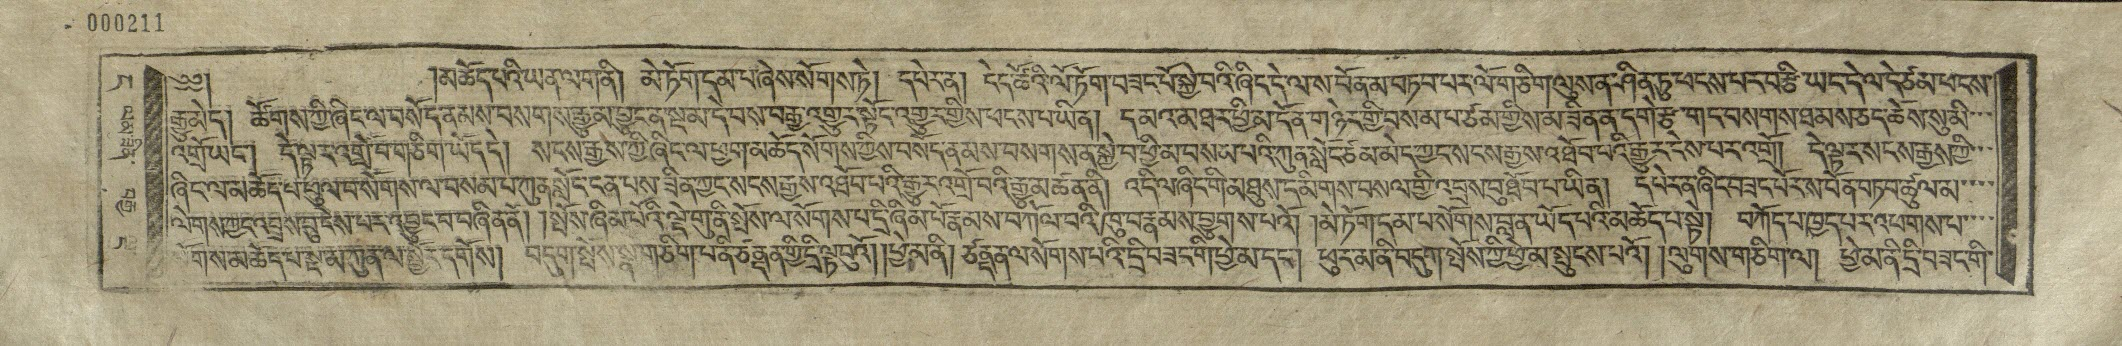༄༅། །མཆོད་པའི་ཡན་ལག་ནི། མེ་ཏོག་དམ་པ་ཞེས་སོགས་ཏེ། དཔེར་ན། ངེད་ཚོའི་ལོ་ཏོག་བཟང་པོ་སྐྱེ་བའི་ཞིང་དེ་ལ་ས་བོན་མ་བཏབ་པར་ལོ་གཅིག་ལུས་ན་ཤིན་ཏུ་ཕངས་པར་བརྩི་ཡང་དེ་ལ་དེ་ཙམ་ཕངས་
རྒྱུ་མེད། ཚོགས་ཀྱི་ཞིང་ལ་བསོད་ནམས་བསགས་རྒྱུ་མ་བྱུང་ན་སྔ་མ་དེ་བས་བརྒྱ་འགྱུར་སྟོང་འགྱུར་གྱིས་ཕངས་པ་ཡིན། དམའ་མཐར་ཕྱི་མ་དོན་གཉེར་གྱི་བསམ་པ་ཙམ་གྱིས་མ་ཟིན་ན་དགེ་རྩ་གང་བསགས་ཐམས་ཅད་ཆོས་སུ་མི་
འགྲོ་ཡང་། དེ་ལྟར་འགྲོ་བ་གཅིག་ཡོད་དེ། སངས་རྒྱས་ཀྱི་ཞིང་ལ་ཕྱག་མཆོད་སོགས་ཀྱིས་བསོད་ནམས་བསགས་ན་སྐྱེ་བ་ཕྱི་མ་བསམ་པའི་ཀུན་སློང་ཙམ་མེད་ཀྱང་སངས་རྒྱས་འཐོབ་པའི་རྒྱུར་ངེས་པར་འགྲོ། དེ་ལྟར་སངས་རྒྱས་ཀྱི་
ཞིང་ལ་མཆོད་པ་ཕུལ་བ་སོགས་ལ་བསམ་པ་ཀུན་སློང་ངན་པས་ཟིན་ཀྱང་སངས་རྒྱས་འཐོབ་པའི་རྒྱུར་འགྲོ་བའི་རྒྱུ་མཚན་ནི། འདི་ལ་ཞིང་གི་མཐུས་དམིགས་བསལ་གྱི་འབྲས་བུ་ཐོབ་པ་ཡིན། དཔེར་ན་ཞིང་བཟང་པོར་ས་བོན་བཏབ་ཚུལ་མ་
ལེགས་ཀྱང་འབྲས་བུ་ངེས་པར་འབྱུང་བ་བཞིན་ནོ། །སྤོས་ཞིམ་པོའི་ལྡེ་གུ་ནི་སྤོས་ལ་སོགས་པ་དྲི་ཞིམ་པོ་རྣམས་བཀོལ་བའི་ཁུ་བ་རྣམས་བྱུགས་པའོ། །མེ་ཏོག་དམ་པ་སོགས་བླ་ན་ཡོད་པའི་མཆོད་པ་སྟེ། བཀོད་པ་ཁྱད་པར་འཕགས་པ་
སོགས་མཆོད་པ་ལྔ་མ་ཀུན་ལ་སྦྱོར་དགོས། བདུག་སྤོས་སྣ་གཅིག་པ་ནི་ཙནྡན་གྱི་དྲི་ལྟ་བུའོ། །ཕྱེ་མ་ནི། ཙནྡན་ལ་སོགས་པའི་དྲི་བཟང་གི་ཕྱེ་མ་དང་། ཕུར་མ་ནི་བདུག་སྤོས་ཀྱི་ཕྱེ་མ་སྤུངས་པའོ། །ལུགས་གཅིག་ལ། ཕྱེ་མ་ནི་དྲི་བཟང་གི་